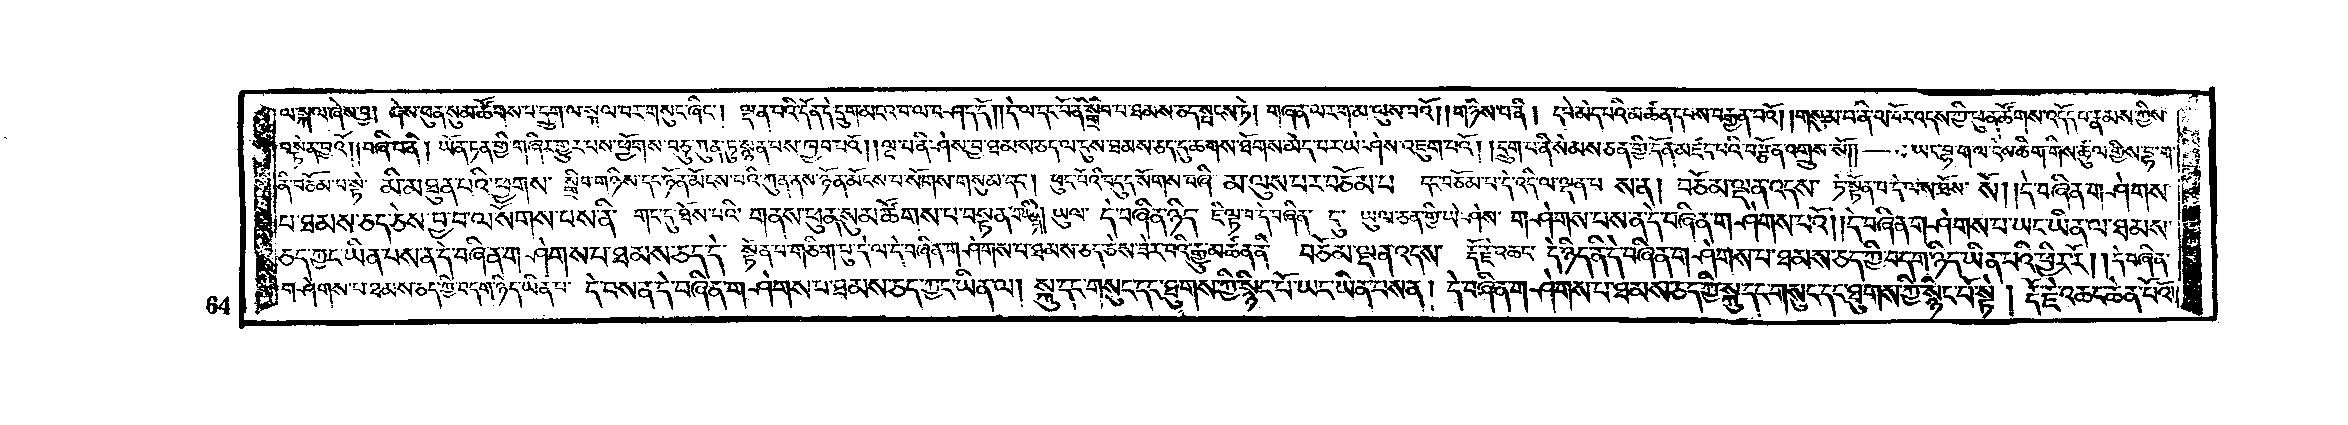ལ་སྐལ་ཞེས་བྱ། ཞེས་ཕུན་སུམ་ཚོགས་པ་དྲུག་ལ་སྐལ་པར་གསུང་ཞིང་། ལྡན་པའི་དོན་དེ་དྲུག་མངའ་བ་ལ་བཤད་དོ། །དེ་ལ་དང་པོ་ནི་སྒྲིབ་པ་ཐམས་ཅད་སྤངས་ཏེ། གཞན་ལ་རག་མ་ལུས་པའོ། །གཉིས་པ་ནི། དཔེ་མེད་པའི་མཚན་དཔེས་བརྒྱན་པའོ། །གསུམ་པ་ནི་འཁོར་འདས་ཀྱི་ཕུན་ཚོགས་འདོད་པ་རྣམས་ཀྱིས་
བསྟེན་བྱའོ། །བཞི་པ་ནི། ཡོན་ཏན་གྱི་གཞིར་གྱུར་པས་ཕྱོགས་བཅུ་ཀུན་ཏུ་སྙན་པས་ཁྱབ་པའོ། །ལྔ་པ་ནི་ཤེས་བྱ་ཐམས་ཅད་ལ་དུས་ཐམས་ཅད་དུ་ཆགས་ཐོགས་མེད་པར་ཡེ་ཤེས་འཇུག་པའོ། །དྲུག་པ་ནི་སེམས་ཅན་གྱི་དོན་མཛད་པའི་བརྩོན་འགྲུས་སོ།། .Hཡང་བྷ་ག་ལ་ངེས་ཚིག་གིས་ཚུལ་གྱིས་བྷ་ག་
ནི་བཅོམ་པ་སྟེ་མི་མཐུན་པའི་ཕྱོགས་སྒྲིབ་གཉིས་དང་ཉོན་མོངས་པའི་ཀུན་ནས་ཉོན་མོངས་པ་སོགས་གསུམ་དང་། ཕུང་པོའི་བདུད་སོགས་བཞི་མ་ལུས་པར་བཅོམ་པ་དང་བཅོམ་པ་དེ་འདི་ལ་ལྡན་པ་ས་ན། བཅོམ་ལྡན་འདས་ཏེ་སྟོན་པ་དེ་ལས་ཐོས་སོ། །དེ་བཞིན་གཤེགས་
པ་ཐམས་ཅད་ཅེས་བྱ་བ་ལ་སོགས་པས་ནི་གང་དུ་ཐོས་པའི་གནས་ཕུན་སུམ་ཚོགས་པ་བསྟན་པ་ཡིན་ཏེ། ཡུལ་དེ་བཞིན་ཉིད་ཇི་ལྟ་བ་དེ་བཞིན་དུ་ཡུལ་ཅན་གྱི་ཡེ་ཤེས་གཤེགས་པས་ན་དེ་བཞིན་གཤེགས་པའོ། །དེ་བཞིན་གཤེགས་པ་ཡང་ཡིན་ལ་ཐམས་
ཅད་ཀྱང་ཡིན་པས་ན་དེ་བཞིན་གཤེགས་པ་ཐམས་ཅད་དེ་སྟོན་པ་གཅིག་པུ་དེ་ལ་དེ་བཞིན་གཤེགས་པ་ཐམས་ཅད་ཅེས་ཟེར་བའི་རྒྱུ་མཚན་ནི་བཅོམ་ལྡན་འདས་རྡོ་རྗེ་འཆང་དེ་ཉིད་ནི་དེ་བཞིན་གཤེགས་པ་ཐམས་ཅད་ཀྱི་བདག་ཉིད་ཡིན་པའི་ཕྱིར་རོ། །དེ་བཞིན་
གཤེགས་པ་ཐམས་ཅད་ཀྱི་བདག་ཉིད་ཡིན་པ་དེ་བས་ན་དེ་བཞིན་གཤེགས་པ་ཐམས་ཅད་ཀྱང་ཡིན་ལ། སྐུ་དང་གསུང་དང་ཐུགས་ཀྱི་སྙིང་པོ་ཡང་ཡིན་པས་ན། དེ་བཞིན་གཤེགས་པ་ཐམས་ཅད་ཀྱི་སྐུ་དང་གསུང་དང་ཐུགས་ཀྱི་སྙིང་པོ་སྟེ། རྡོ་རྗེ་འཆང་ཆེན་པོའོ།།